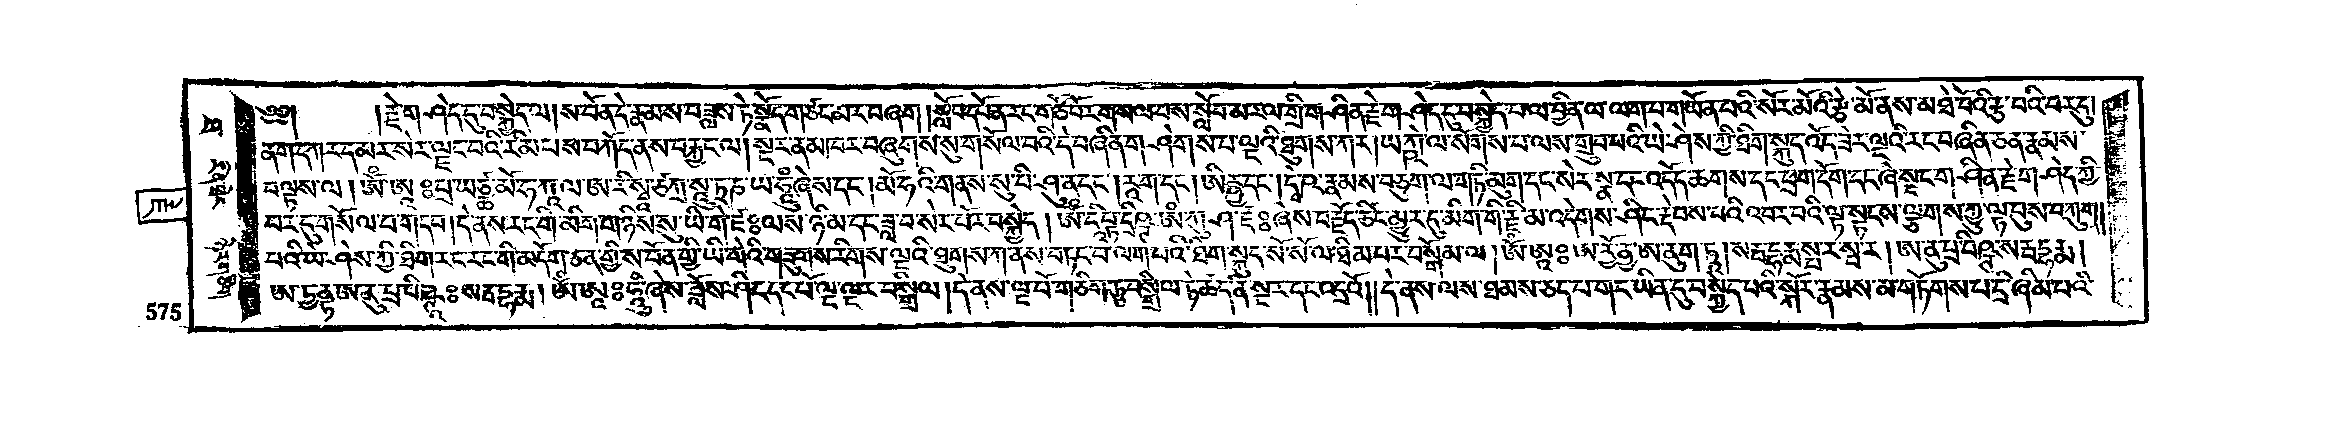༄༅། །རྗེ་གཤེད་དུ་བསྐྱེད་ལ། ས་བོན་དེ་རྣམས་བཟླས་ཏེ་སྣོད་གཙང་མར་བཞག །སློབ་དཔོན་རང་གཙོ་བོར་གསལ་བས་སློབ་མ་རལ་གྲི་གཤིན་རྗེ་གཤེད་དུ་བསྐྱེད་པ་ལ་བྱིན་ལ་ལག་པ་གཡོན་པའི་སོར་མོའི་རྩེ་མོ་ནས་མཐེ་བོའི་རྩ་བའི་བར་དུ།
ནག་དཀར་དམར་སེར་ལྗང་བའི་རིམ་པས་བཀོད་ནས་བརྐྱང་ལ། སྔར་ནམ་མཁར་བཞུགས་སུ་གསོལ་བའི་དེ་བཞིན་གཤེགས་པ་ལྔའི་ཐུགས་ཀར། ཡཀྵེ་ལ་སོགས་པ་ལས་གྲུབ་པའི་ཡེ་ཤེས་ཀྱི་ཐིག་སྐུད་འོད་ཟེར་ལྔའི་རང་བཞིན་ཅན་རྣམས་
བལྟས་ལ། ཨོཾ་ཨཱཿ པྲ་ཡ་ཙྪ་མོ་ཧ་ཀཱ་ལ་ཨ་རི་སྭཱ་ཙཀྲ་སཱུ་ཏྲ་ཎ་ཡ་ཧཱུཾ་ཞེས་དང་། མོ་ཧའི་གནས་སུ་པི་ཤུ་ན་དང་། རཱ་ག་དང་། ཨི་རྵྱ་དང་། དེ་ཥ་རྣམས་བཅུག་ལ་གཏི་མུག་དང་སེར་སྣ་དང་འདོད་ཆགས་དང་ཕྲག་དོག་དང་ཞེ་སྡང་གཤིན་རྗེ་གཤེད་ཀྱི་
བར་དུ་གསོལ་བ་གདབ། དེ་ནས་རང་གི་མིག་གཉིས་སུ་ཡི་གེ་ཛཿ ལས་ཉི་མ་དང་ཟླ་བ་སེར་པོར་བསྐྱེད། ཨོཾ་དིའི་པྟ་དྲི་ཥྚ་ཨཾ་ཀུ་ཤ་ཛཿ ཞེས་བརྗོད་ཅིང་མྱུར་དུ་མིག་གི་རྗི་?་མ་འདེགས་ཤིང་རྡེབས་པའི་འབར་བའི་ལྟ་སྟངས་ལྕགས་ཀྱུ་ལྟ་བུས་བཀུག །
པའི་ཡེ་ཤེས་ཀྱི་ཐིག་རང་རང་གི་མདོག་ཅན་གྱི་ས་བོན་གྱི་ཡི་གེའི་གཟུགས་རིགས་ལྔའི་ཐུགས་ཀ་ནས་བཏང་བ་ལག་པའི་ཐིག་སྐུད་སོ་སོ་ལ་ཐིམ་པར་བསྒོམ་ལ། ཨོཾ་ཨཱཿ ཨ་ནྱོ་ནྱ་ཨ་ནུ་ག་ཏཱ། སརྦ་དྷ་རྨ་སྤ་ར་སྤ་ར། ཨ་ནུ་པྲ་བིཥྚ་སརྦ་དྷ་རྨ།
ཨ་ཏྱྣྟ་ཨ་ནུ་པྲ་བིཥྚཱཿ སརྦ་དྷ་རྨ། ཨོཾ་ཨཱཿ ཧཱུཾ་ཞེས་ཟློས་ཤིང་དང་པོ་ལྔ་ལྡང་བསྒྲིལ། དེ་ནས་ལྔ་པོ་གཅིག་ཏུ་བསྒྲིལ་ཏེ་ཚད་ནི་སྔར་དང་འདྲའོ། །དེ་ནས་ལས་ཐམས་ཅད་པ་གང་ཡིན་དུ་བསྐྱེད་པའི་སྐོར་རྣམས་མ་གཏོགས་པ་དྲི་ཞིམ་པའི་